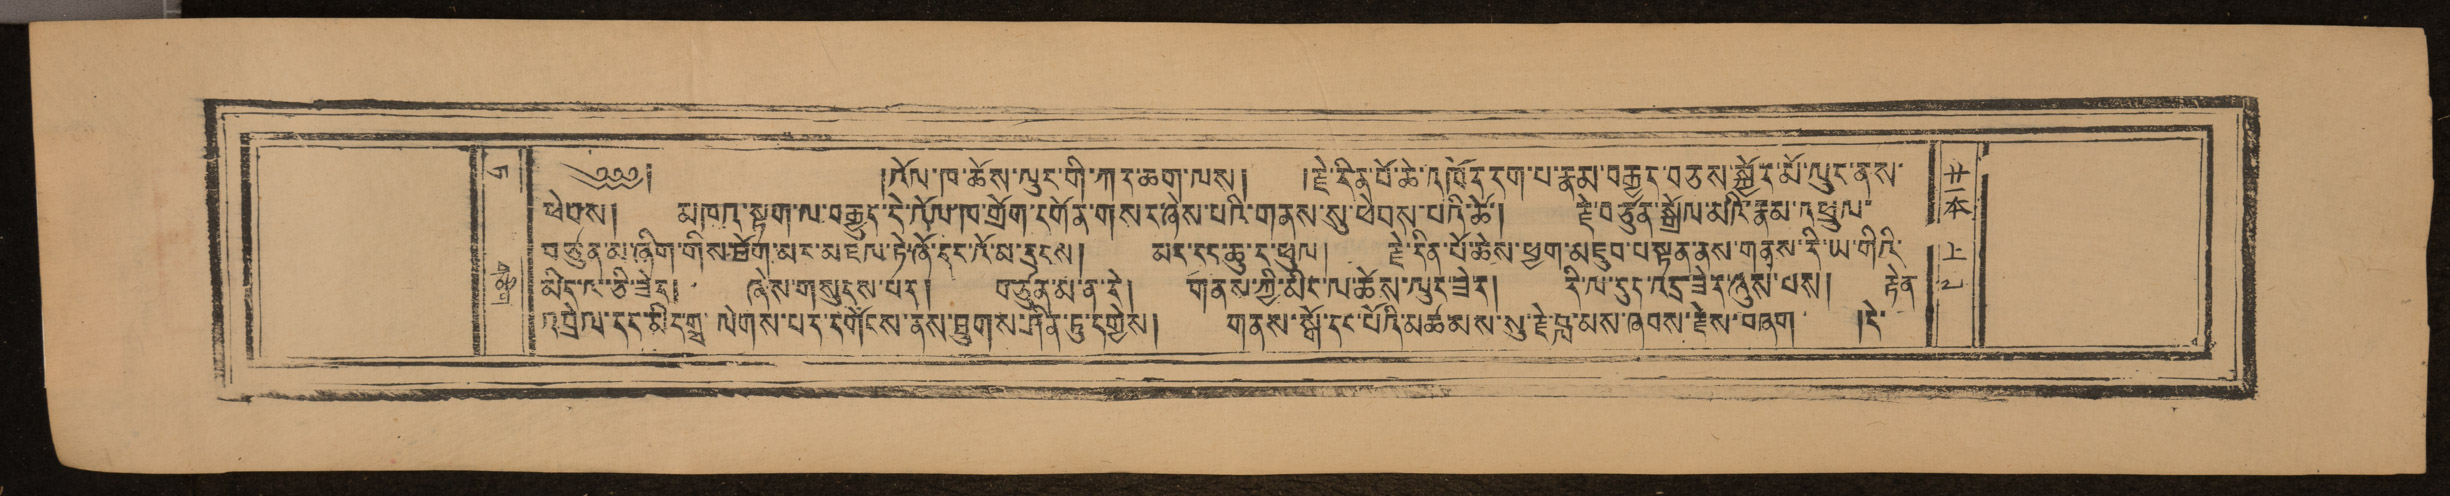༄༅༅། །འོལ་ཁ་ཆོས་ལུང་གི་ཀར་ཆག་ལས། །རྗེ་རིན་པོ་ཆེ་འཁོར་དག་པ་རྣམ་བརྒྱད་བཅས་སྐྱོར་མོ་ལུང་ནས་
ཕེབས། མཁའ་སྟག་ལ་བརྒྱུད་དེ་འོ་ལ་ཁ་གྲོག་དགོན་གསར་ཞེས་པའི་གནས་སུ་ཕེབས་པའི་ཚེ། །རྗེ་བཙུན་སྒྲོལ་མའི་རྣམ་འཕྲུལ་།
བཙུན་མ་ཞིག་གིས་ཐོག་མར་མཇལ་ཏེ་ཞོ་དང་འོ་མ་དྲངས། །མར་དང་ཆུ་ར་ཕུལ། རྗེ་རིན་པོ་ཆེས་ཕྱག་མཛུབ་བསྟན་ནས་གནས་རི་ཡ་གིའི་
མིང་ལ་ཅི་ཟེར། །ཞེས་གསུངས་པར། བཙུན་མ་ན་རེ། །གནས་ཀྱི་མིང་ལ་ཆོས་ལུང་ཟེར། །རིལ་དུང་འདྲ་ཟེར་ཞུས་བས། །རྟེན་
འབྲེལ་དང་མིང་གྲྭ་ལེགས་བར་དགོངས་ནས་ཐུགས་ཤིན་ཏུ་དགྱེས། །གནས་སྒོ་དང་པོའི་མཚམས་སུ་རྗེ་བླ་མས་ཞབས་རྗེས་བཞག །དེ་